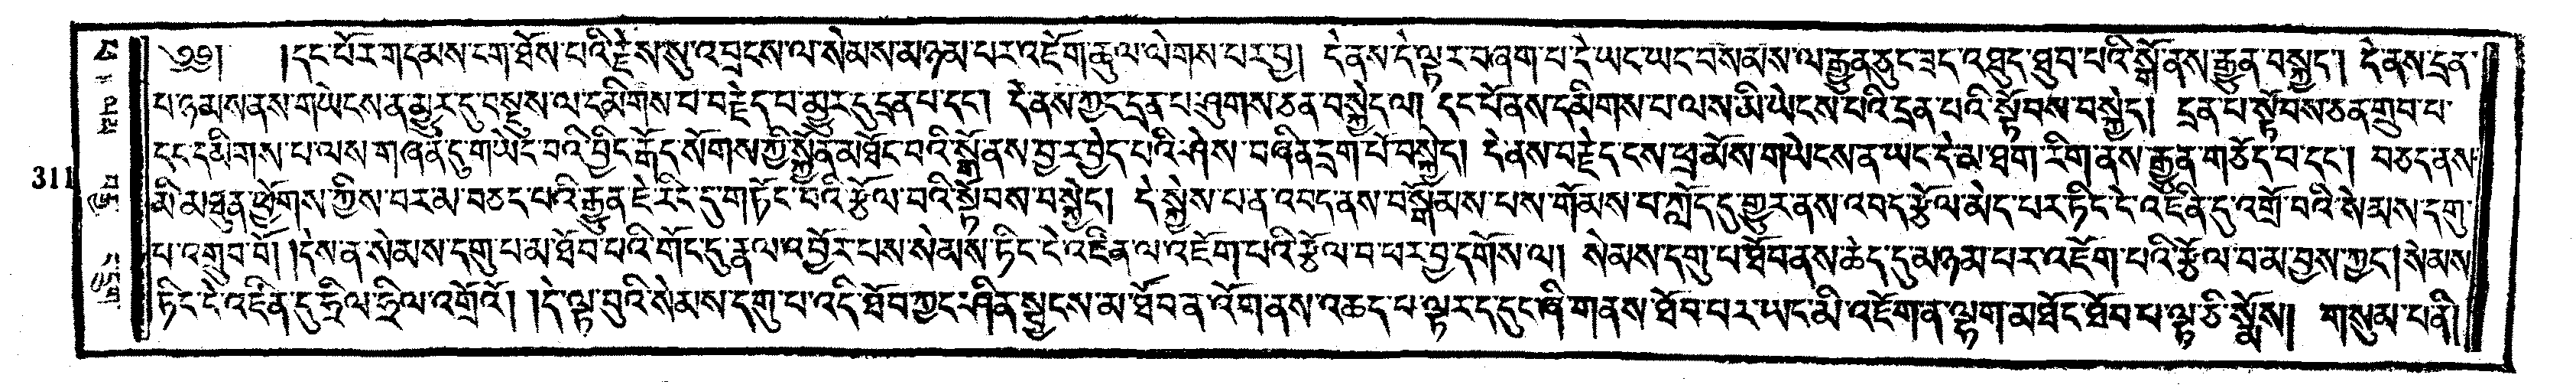༄༅། །དང་པོར་གདམས་ངག་ཐོས་པའི་རྗེས་སུ་འབྲངས་ལ་སེམས་མཉམ་པར་འཇོག་ཚུལ་ལེགས་པར་བྱ། དེ་ནས་དེ་ལྟར་བཞག་པ་དེ་ཡང་ཡང་བསམས་ལ་རྒྱུན་ཆུང་ཟད་འཐུད་ཐུབ་པའི་སྒོ་ནས་རྒྱུན་བསྐྱང་། དེ་ནས་དྲན་
པ་ཉམས་ནས་གཡེངས་ན་མྱུར་དུ་བསྡུས་ལ་དམིགས་པ་བརྗེད་པ་མྱུར་དུ་དྲན་པ་དང་། དེ་ནས་ཀྱང་དྲན་པ་ཤུགས་ཅན་བསྐྱེད་ལ། དང་པོ་ནས་དམིགས་པ་ལས་མི་ཡེངས་པའི་དྲན་པའི་སྟོབས་བསྐྱེད། དྲན་པ་སྟོབས་ཅན་གྲུབ་པ་
དང་དམིགས་པ་ལས་གཞན་དུ་གཡེང་བའི་བྱིང་རྒོད་སོགས་ཀྱི་སྐྱོན་མཐོང་བའི་སྒོ་ནས་བྱ་ར་བྱེད་པའི་ཤེས་བཞིན་དྲག་པོ་བསྐྱེད། དེ་ནས་བརྗེད་ངས་ཕྲ་མོས་གཡེངས་ན་ཡང་དེ་མ་ཐག་རིག་ནས་རྒྱུན་གཅོད་པ་དང་། བཅད་ནས་
མི་མཐུན་ཕྱོགས་ཀྱིས་བར་མ་བཅད་པའི་རྒྱུན་ཇེ་རིང་དུ་གཏོང་བའི་རྩོལ་བའི་སྟོབས་བསྐྱེད། དེ་སྐྱེས་པ་ན་འབད་ནས་བསྒོམས་པས་གོམས་པ་ཀློད་དུ་གྱུར་ནས་འབད་རྩོལ་མེད་པར་ཏིང་ངེ་འཛིན་དུ་འགྲོ་བའི་སེམས་དགུ་
པ་འགྲུབ་བོ། །དེས་ན་སེམས་དགུ་པ་མ་ཐོབ་པའི་གོང་དུ་རྣལ་འབྱོར་པས་སེམས་ཏིང་ངེ་འཛིན་ལ་འཇོག་པའི་རྩོལ་བ་ཕར་བྱ་དགོས་ལ། སེམས་དགུ་པ་ཐོབ་ནས་ཆེད་དུ་མཉམ་པར་འཇོག་པའི་རྩོལ་བ་མ་བྱས་ཀྱང་། སེམས་
ཏིང་ངེ་འཛིན་དུ་ཧྲིལ་ཧྲིལ་འགྲོའོ། །དེ་ལྟ་བུའི་སེམས་དགུ་པ་འདི་ཐོབ་ཀྱང་ཤིན་སྦྱངས་པ་མ་ཐོབ་ན་འོག་ནས་འཆད་པ་ལྟར་ད་དུང་ཞི་གནས་ཐོབ་པར་ཡང་མི་འཇོག་ན་ལྷག་མཐོང་ཐོབ་པ་ལྷ་ཅི་སྨོས། གསུམ་པ་ནི།